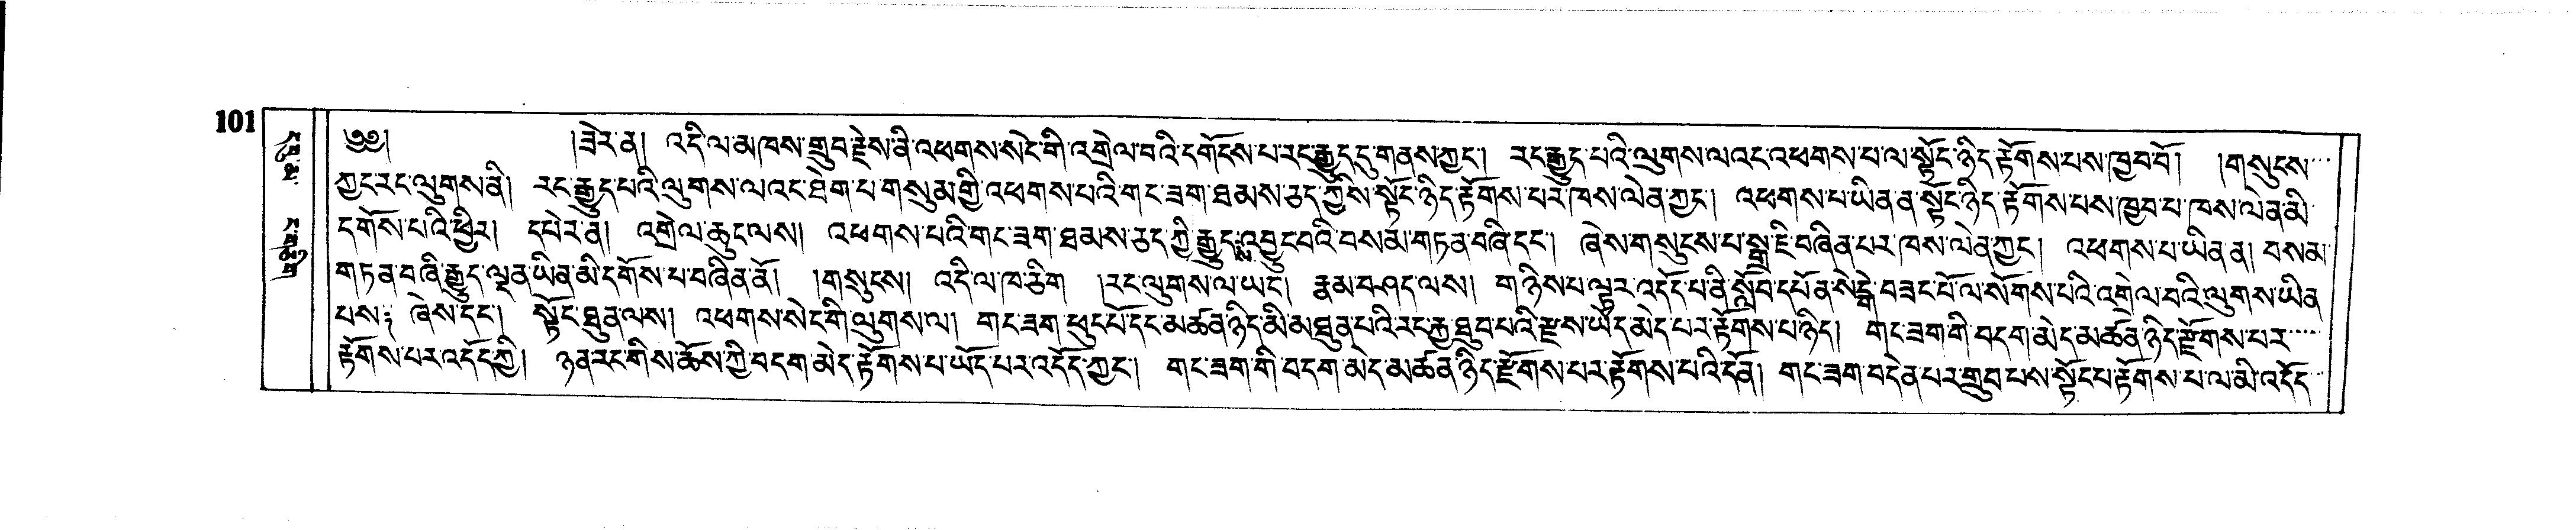༄༅། །ཟེར་ན། འདི་ལ་མཁས་གྲུབ་རྗེས་ནི་འཕགས་སེང་གི་འགྲེལ་བའི་དགོངས་པ་རང་རྒྱུད་དུ་གནས་ཀྱང་། རང་རྒྱུད་པའི་ལུགས་ལའང་འཕགས་པ་ལ་སྟོང་ཉིད་རྟོགས་པས་ཁྱབ་བོ། །གསུངས་
ཀྱང་རང་ལུགས་ནི། རང་རྒྱུད་པའི་ལུགས་ལའང་ཐེག་པ་གསུམ་གྱི་འཕགས་པའི་གང་ཟག་ཐམས་ཅད་ཀྱིས་སྟོང་ཉིད་རྟོགས་པར་ཁས་ལེན་ཀྱང་། འཕགས་པ་ཡིན་ན་སྟོང་ཉིད་རྟོགས་པས་ཁྱབ་པ་ཁས་ལེན་མི་
དགོས་པའི་ཕྱིར། དཔེར་ན། འགྲེལ་ཆུང་ལས། འཕགས་པའི་གང་ཟག་ཐམས་ཅད་ཀྱི་རྒྱུད་ལ་འབྱུང་བའི་བསམ་གཏན་བཞི་དང་། ཞེས་གསུངས་པ་སྒྲ་ཇི་བཞིན་པར་ཁས་ལེན་ཀྱང་། འཕགས་པ་ཡིན་ན། བསམ་
གཏན་བཞི་རྒྱུད་ལྡན་ཡིན་མི་དགོས་པ་བཞིན་ནོ། །གསུངས། འདི་ལ་ཁ་ཅིག །རང་ལུགས་ལ་ཡང་། རྣམ་བཤད་ལས། གཉིས་པ་ལྟར་འདོད་པ་ནི་སློབ་དཔོན་སེངྒེ་བཟང་པོ་ལ་སོགས་པའི་འགྲེལ་བའི་ལུགས་ཡིན་
པས། ཞེས་དང་། སྟོང་ཐུན་ལས། འཕགས་སེང་གི་ལུགས་ལ། གང་ཟག་ཕུང་པོ་དང་མཚན་ཉིད་མི་མཐུན་པའི་རང་རྐྱ་ཐུབ་པའི་རྫས་ཡོད་མེད་པར་རྟོགས་པ་ཉིད། གང་ཟག་གི་བདག་མེད་མཚན་ཉིད་རྫོགས་པར་
རྟོགས་པར་འདོད་ཀྱི། ཉན་རང་གིས་ཆོས་ཀྱི་བདག་མེད་རྟོགས་པ་ཡོད་པར་འདོད་ཀྱང་། གང་ཟག་གི་བདག་མེད་མཚན་ཉིད་རྫོགས་པར་རྟོགས་པའི་དོན། གང་ཟག་བདེན་པར་གྲུབ་པས་སྟོང་པ་རྟོགས་པ་ལ་མི་འདོད་